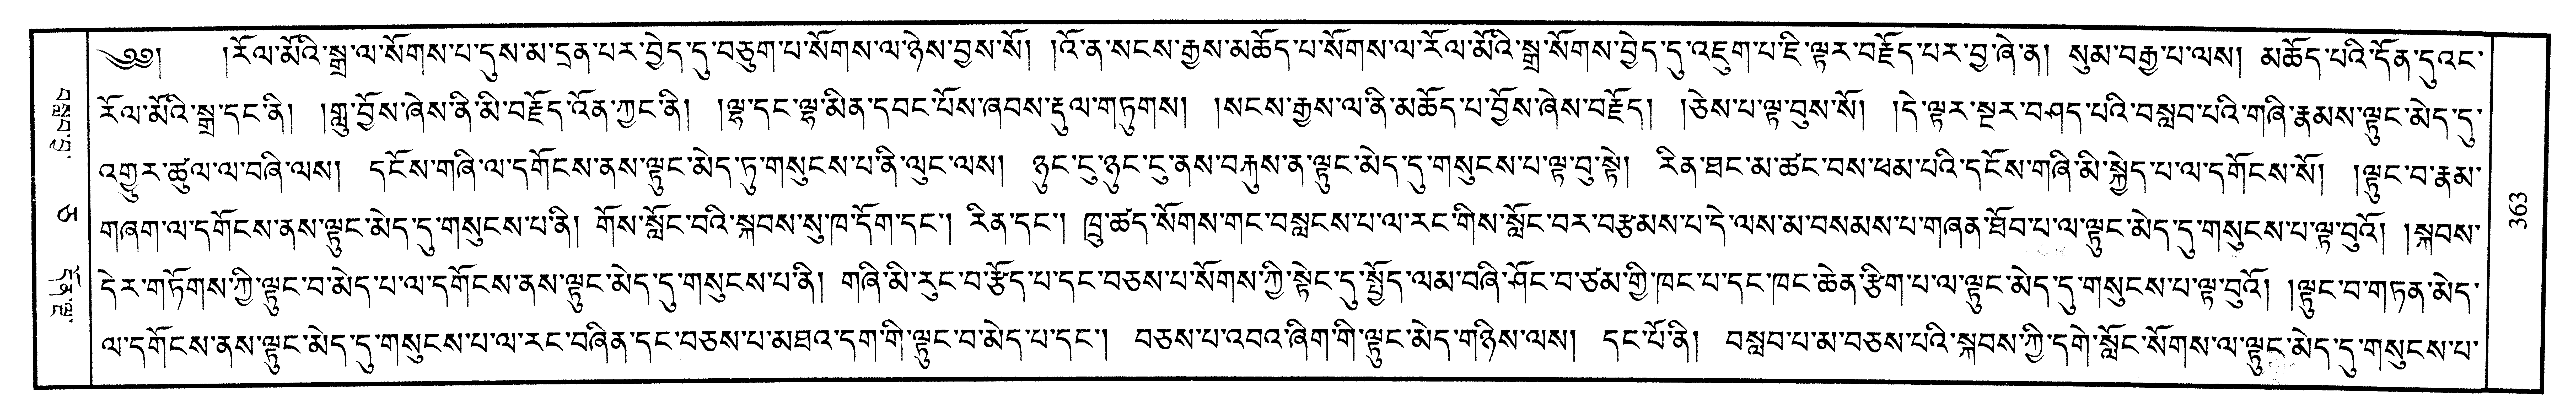༄༅། །རོལ་མོའི་སྒྲ་ལ་སོགས་པ་དུས་མ་དྲན་པར་བྱེད་དུ་བཅུག་པ་སོགས་ལ་ཉེས་བྱས་སོ། །འོ་ན་སངས་རྒྱས་མཆོད་པ་སོགས་ལ་རོལ་མོའི་སྒྲ་སོགས་བྱེད་དུ་འཇུག་པ་ཇི་ལྟར་བརྗོད་པར་བྱ་ཞེ་ན། སུམ་བརྒྱ་པ་ལས། མཆོད་པའི་དོན་དུའང་
རོལ་མོའི་སྒྲ་དང་ནི། །གླུ་བྱོས་ཞེས་ནི་མི་བརྗོད་འོན་ཀྱང་ནི། །ལྷ་དང་ལྷ་མིན་དབང་པོས་ཞབས་རྡུལ་གཏུགས། །སངས་རྒྱས་ལ་ནི་མཆོད་པ་བྱོས་ཞེས་བརྗོད། །ཅེས་པ་ལྟ་བུས་སོ། །དེ་ལྟར་སྔར་བཤད་པའི་བསླབ་པའི་གཞི་རྣམས་ལྟུང་མེད་དུ་
འགྱུར་ཚུལ་ལ་བཞི་ལས། དངོས་གཞི་ལ་དགོངས་ནས་ལྟུང་མེད་ཏུ་གསུངས་པ་ནི་ལུང་ལས། ཉུང་ངུ་ཉུང་ངུ་ནས་བརྐུས་ན་ལྟུང་མེད་དུ་གསུངས་པ་ལྟ་བུ་སྟེ། རིན་ཐང་མ་ཚང་བས་ཕམ་པའི་དངོས་གཞི་མི་སྐྱེད་པ་ལ་དགོངས་སོ། །ལྟུང་བ་རྣམ་
གཞག་ལ་དགོངས་ནས་ལྟུང་མེད་དུ་གསུངས་པ་ནི། གོས་སློང་བའི་སྐབས་སུ་ཁ་དོག་དང་། རིན་དང་། ཁྲུ་ཚད་སོགས་གང་བསླངས་པ་ལ་རང་གིས་སློང་བར་བརྩམས་པ་དེ་ལས་མ་བསམས་པ་གཞན་ཐོབ་པ་ལ་ལྟུང་མེད་དུ་གསུངས་པ་ལྟ་བུའོ། །སྐབས་
དེར་གཏོགས་ཀྱི་ལྟུང་བ་མེད་པ་ལ་དགོངས་ནས་ལྟུང་མེད་དུ་གསུངས་པ་ནི། གཞི་མི་རུང་བ་རྩོད་པ་དང་བཅས་པ་སོགས་ཀྱི་སྟེང་དུ་སྤྱོད་ལམ་བཞི་ཤོང་བ་ཙམ་གྱི་ཁང་པ་དང་ཁང་ཆེན་རྩིག་པ་ལ་ལྟུང་མེད་དུ་གསུངས་པ་ལྟ་བུའོ། །ལྟུང་བ་གཏན་མེད་
ལ་དགོངས་ནས་ལྟུང་མེད་དུ་གསུངས་པ་ལ་རང་བཞིན་དང་བཅས་པ་མཐའ་དག་གི་ལྟུང་བ་མེད་པ་དང་། བཅས་པ་འབའ་ཞིག་གི་ལྟུང་མེད་གཉིས་ལས། དང་པོ་ནི། བསླབ་པ་མ་བཅས་པའི་སྐབས་ཀྱི་དགེ་སློང་སོགས་ལ་ལྟུང་མེད་དུ་གསུངས་པ་